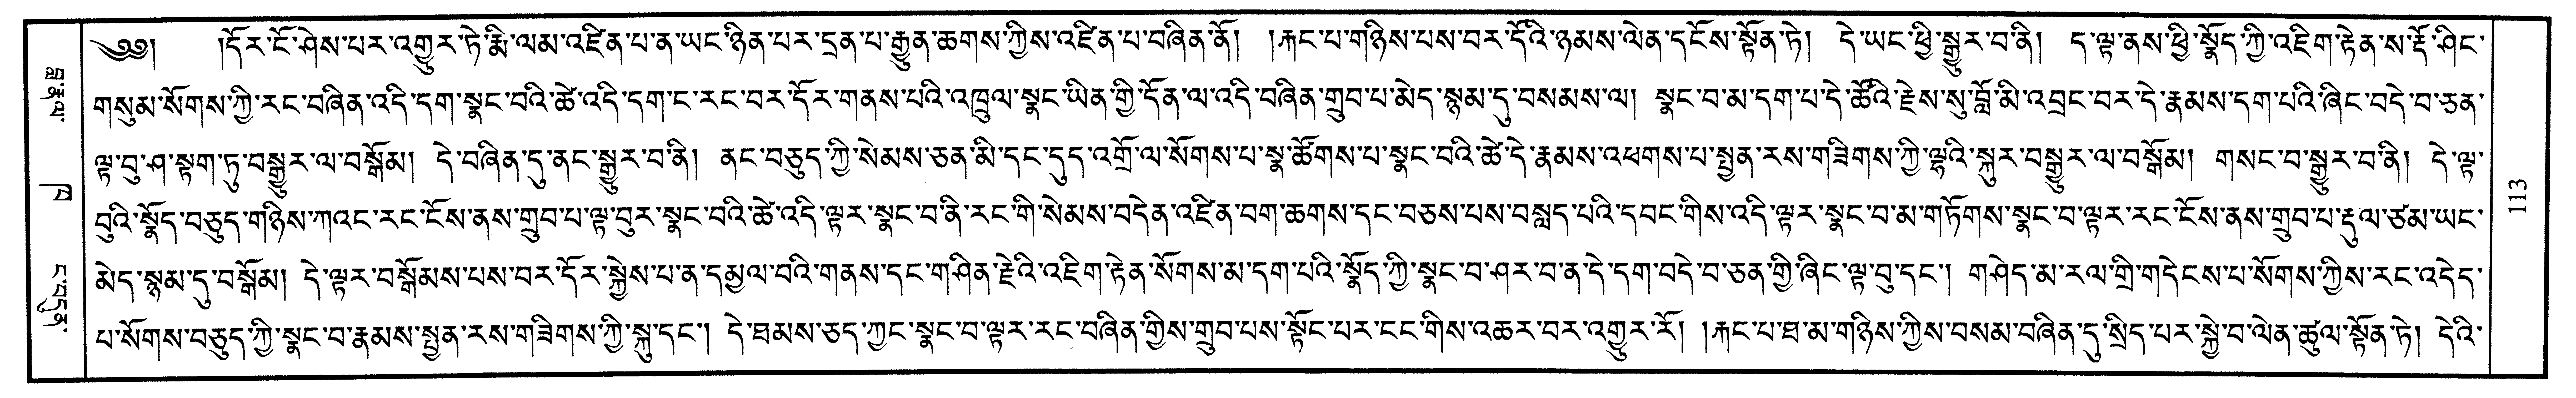༄༅། །དོར་ངོ་ཤེས་པར་འགྱུར་ཏེ་རྨི་ལམ་འཛིན་པ་ན་ཡང་ཉིན་པར་དྲན་པ་རྒྱུན་ཆགས་ཀྱིས་འཛིན་པ་བཞིན་ནོ། །རྐང་པ་གཉིས་པས་བར་དོའི་ཉམས་ལེན་དངོས་སྟོན་ཏེ། དེ་ཡང་ཕྱི་སྒྱུར་བ་ནི། ད་ལྟ་ནས་ཕྱི་སྣོད་ཀྱི་འཇིག་རྟེན་ས་རྡོ་ཤིང་
གསུམ་སོགས་ཀྱི་རང་བཞིན་འདི་དག་སྣང་བའི་ཚེ་འདི་དག་ང་རང་བར་དོར་གནས་པའི་འཁྲུལ་སྣང་ཡིན་གྱི་དོན་ལ་འདི་བཞིན་གྲུབ་པ་མེད་སྙམ་དུ་བསམས་ལ། སྣང་བ་མ་དག་པ་དེ་ཚོའི་རྗེས་སུ་བློ་མི་འབྲང་བར་དེ་རྣམས་དག་པའི་ཞིང་བདེ་བ་ཅན་
ལྟ་བུ་ཤ་སྟག་ཏུ་བསྒྱུར་ལ་བསྒོམ། དེ་བཞིན་དུ་ནང་སྒྱུར་བ་ནི། ནང་བཅུད་ཀྱི་སེམས་ཅན་མི་དང་དུད་འགྲོ་ལ་སོགས་པ་སྣ་ཚོགས་པ་སྣང་བའི་ཚེ་དེ་རྣམས་འཕགས་པ་སྤྱན་རས་གཟིགས་ཀྱི་ལྷའི་སྐུར་བསྒྱུར་ལ་བསྒོམ། གསང་བ་སྒྱུར་བ་ནི། དེ་ལྟ་
བུའི་སྣོད་བཅུད་གཉིས་ཀའང་རང་ངོས་ནས་གྲུབ་པ་ལྟ་བུར་སྣང་བའི་ཚེ་འདི་ལྟར་སྣང་བ་ནི་རང་གི་སེམས་བདེན་འཛིན་བག་ཆགས་དང་བཅས་པས་བསླད་པའི་དབང་གིས་འདི་ལྟར་སྣང་བ་མ་གཏོགས་སྣང་བ་ལྟར་རང་ངོས་ནས་གྲུབ་པ་རྡུལ་ཙམ་ཡང་
མེད་སྙམ་དུ་བསྒོམ། དེ་ལྟར་བསྒོམས་པས་བར་དོར་སྐྱེས་པ་ན་དམྱལ་བའི་གནས་དང་གཤིན་རྗེའི་འཇིག་རྟེན་སོགས་མ་དག་པའི་སྣོད་ཀྱི་སྣང་བ་ཤར་བ་ན་དེ་དག་བདེ་བ་ཅན་གྱི་ཞིང་ལྟ་བུ་དང་། གཤེད་མ་རལ་གྲི་གདེངས་པ་སོགས་ཀྱིས་རང་འདེད་
པ་སོགས་བཅུད་ཀྱི་སྣང་བ་རྣམས་སྤྱན་རས་གཟིགས་ཀྱི་སྐུ་དང་། དེ་ཐམས་ཅད་ཀྱང་སྣང་བ་ལྟར་རང་བཞིན་གྱིས་གྲུབ་པས་སྟོང་པར་ངང་གིས་འཆར་བར་འགྱུར་རོ། །རྐང་པ་ཐ་མ་གཉིས་ཀྱིས་བསམ་བཞིན་དུ་སྲིད་པར་སྐྱེ་བ་ལེན་ཚུལ་སྟོན་ཏེ། དེའི་